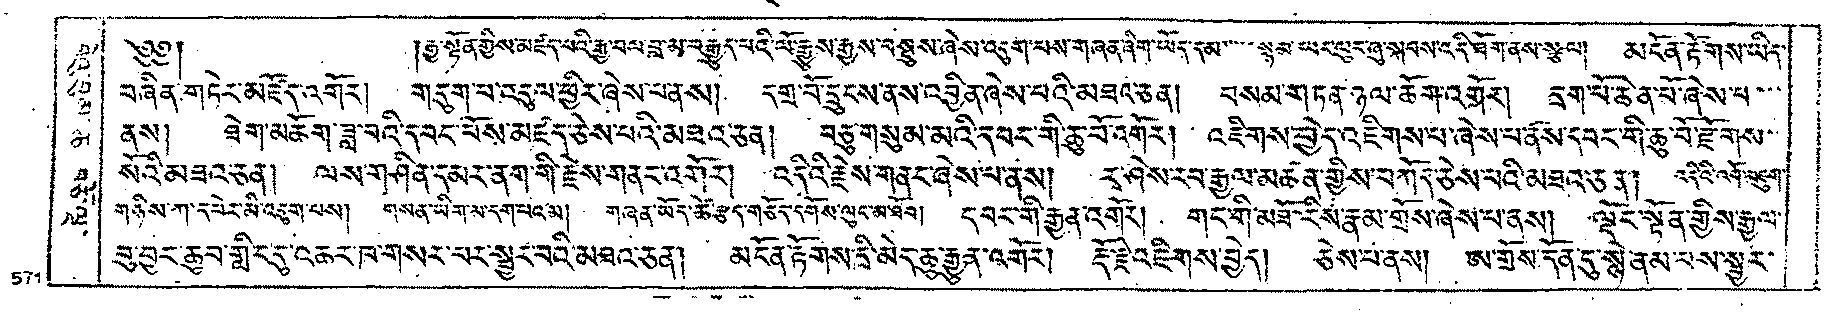༄༅། །རྒྱ་སྟོན་གྱིས་མཛད་པའི་རྒྱ་བལ་བླ་མ་བརྒྱུད་པའི་ལོ་རྒྱུས་རྒྱས་བསྡུས་ཞེས་འདུག་པས་གཞན་ཞིག་ཡོད་དམ་སྙམ་ཡང་ལུང་ཞུ་སྐབས་འདི་ཐོག་ནས་སྩལ། མངོན་རྟོགས་ཡིད་
བཞིན་གཏེར་མཛོད་འགོར། གདུག་པ་འདུལ་ཕྱིར་ཞེས་པ་ནས། དགྲ་བོ་དྲུངས་ནས་འབྱིན་ཞེས་པའི་མཐའ་ཅན། བསམ་གཏན་ཉལ་ཆོག་འགོར། དྲག་པོ་ཆེན་པོ་ཞེས་པ་
ནས། ཐེག་མཆོག་ཟླ་བའི་དབང་པོས་མཛད་ཅེས་པའི་མཐའ་ཅན། བཅུ་གསུམ་མའི་དབང་གི་ཆུ་བོ་འགོར། འཇིགས་བྱེད་འཇིགས་པ་ཞེས་པ་ནས་དབང་གི་ཆུ་བོ་རྫོགས་
སོའི་མཐའ་ཅན། ལས་གཤིན་དམར་ནག་གི་རྗེས་གནང་འགོར། འདིའི་རྗེས་གནང་ཞེས་པ་ནས། རྭ་ཤེས་རབ་རྒྱལ་མཚན་གྱིས་བཀོད་ཅེས་པའི་མཐའ་ཅན། འདིའི་འགོ་མཇུག་
གཉིས་ཀ་དཔེར་མི་འདུག་པས། གསན་ཡིག་མ་དག་པའམ། གཞན་ཡོད་ཚེ་རྩད་གཅོད་དགོས་ལུང་མ་ཐོབ། དབང་གི་རྒྱན་འགོར། གང་གི་མཐོ་རིས་རྣམ་གྲོས་ཞེས་པ་ནས། ལྡོང་སྟོན་གྱིས་རྒྱལ་
བུ་བྱང་ཆུབ་གླིང་དུ་འཆར་ཁ་གསར་པར་སྦྱར་བའི་མཐའ་ཅན། མངོན་རྟོགས་དྲི་མེད་ཆུ་རྒྱུན་འགོར། རྡོ་རྗེ་འཇིགས་བྱེད། ཅེས་པ་ནས། ཨ་གྲོས་དོན་དུ་སྙེ་ནམ་པས་སྦྱར་